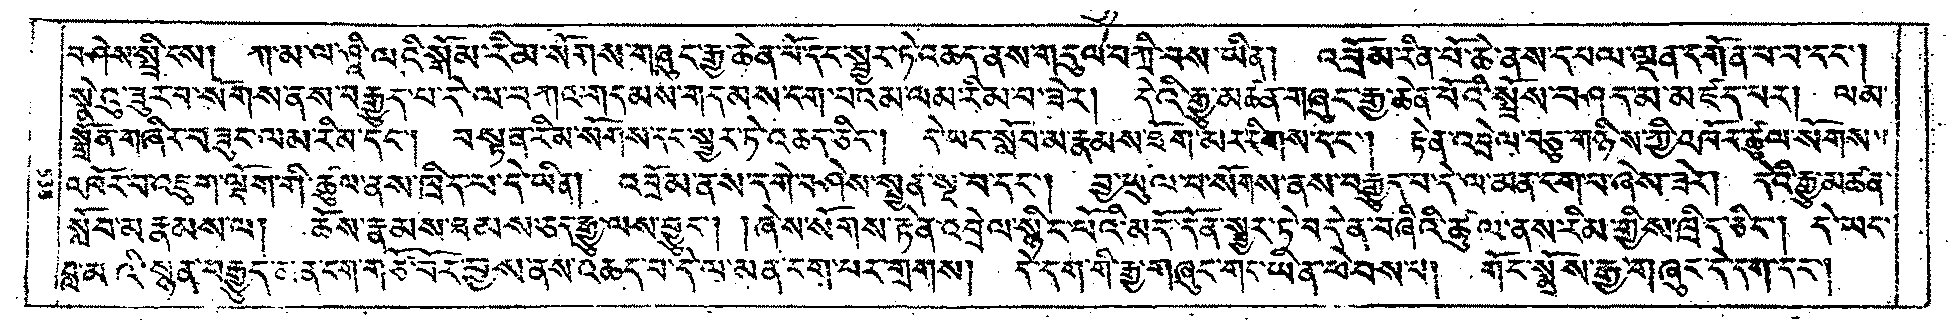བཤེས་སྤྲིངས། ཀ་མ་ལ་ཤཱི་ལའི་སྒོམ་རིམ་སོགས་གཞུང་རྒྱ་ཆེན་པོ་དང་སྦྱར་ཏེ་འཆད་ནས་གདུལ་བཀྲི་བས་ཡིན། འབྲོམ་རིན་པོ་ཆེ་ནས་དཔལ་ལྡན་དགོན་པ་བ་དང་།
སྣེའུ་ཟུར་བ་སོགས་ནས་བརྒྱུད་པ་དེ་ལ་བཀའ་གདམས་གདམས་ངག་པའམ་ལམ་རིམ་པ་ཟེར། དེའི་རྒྱུ་མཚན་གཞུང་རྒྱ་ཆེན་པོའི་སྤྲོས་བཤད་མ་མཛད་པར། ལམ་
སྒྲོན་གཞིར་བཟུང་ལམ་རིམ་དང་། བསྟན་རིམ་སོགས་དང་སྦྱར་ཏེ་འཆད་ཅིང་། དེ་ཡང་སློབ་མ་རྣམས་ཐོག་མར་རིགས་དང་། རྟེན་འབྲེལ་བཅུ་གཉིས་ཀྱི་འཁོར་ཚུལ་སོགས་
འཁོར་བ་འཇུག་ལྡོག་གི་ཚུལ་ནས་ཁྲིད་པ་དེ་ཡིན། འབྲོམ་ནས་དགེ་བཤེས་སྤྱན་སྔ་བ་དང་། བྱ་ཡུལ་བ་སོགས་ནས་བརྒྱུད་པ་དེ་ལ་མན་ངག་པ་ཞེས་ཟེར། དེའི་རྒྱུ་མཚན་
སློབ་མ་རྣམས་ལ། ཆོས་རྣམས་ཐམས་ཅད་རྒྱུ་ལས་བྱུང་། །ཞེས་སོགས་རྟེན་འབྲེལ་སྙིང་པོའི་མདོ་དོན་སྦྱར་ཏེ་བདེན་བཞིའི་ཚུལ་ནས་རིམ་གྱིས་ཁྲིད་ཅིང་། དེ་ཡང་
བླ་མའི་སྙན་བརྒྱུད་མན་ངག་གཙོ་བོར་བྱས་ནས་འཆད་པ་དེ་ལ་མན་ངག་པར་གྲགས། དེ་དག་གི་རྒྱ་གཞུང་གང་ཡིན་ཕེབས་པ། གོང་སྨྲོས་རྒྱ་གཞུང་དེ་དག་དང་།